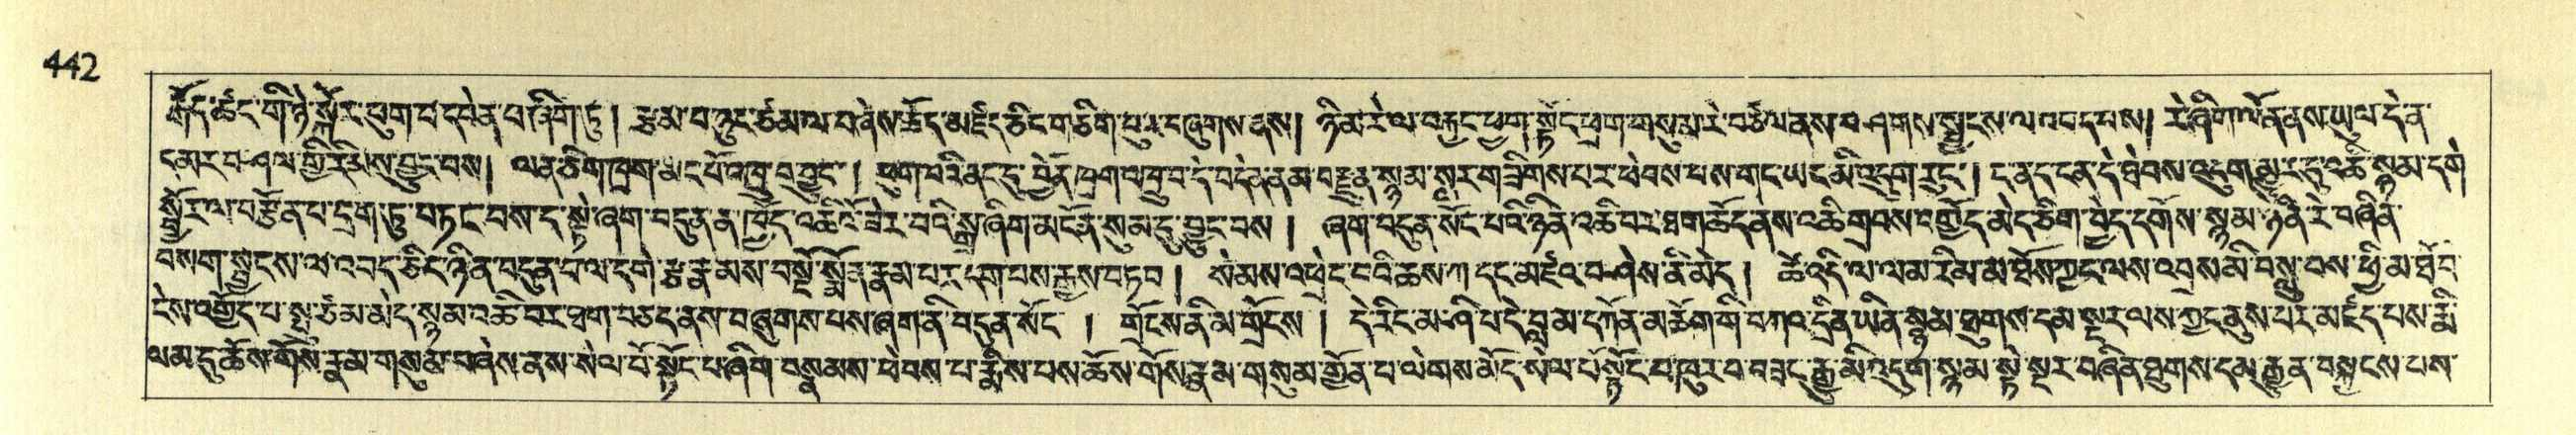རྒོད་ཚང་གི་ཉེ་སྐོར་ཕུག་བ་དབེན་པ་ཞིག་ཏུ། རྩམ་བ་ཉུང་ཙམ་ལ་བཞེས་ཆོད་མཛད་ཅིང་གཅིག་པུར་བཞུགས་ནས། ཉི་མ་རེ་ལ་བརྐྱང་ཕྱག་སྟོང་ཕྲག་གསུམ་རེ་བཙལ་ནས་བཤགས་སྦྱངས་ལ་འབད་པས། རེ་ཞིག་ལོན་ནས་ཡུལ་དེ་ན་
དམར་བཤལ་གྱི་རིམས་བྱུང་བས། ལན་ཅིག་ཁྲག་མང་པོ་འཁྲུ་བ་བྱུང་། ཕུག་བའི་ནང་དུ་བྱོན་ཁྲག་འཁྲུ་བ་དེ་བདེན་ནམ་བརྫུན་སྙམ་སླར་གཟིགས་པར་ཕེབས་པས་གང་ཡང་མི་འདུག་རུང་། ང་ནད་ངན་དེ་ཐེབས་འདུག་མྱུར་དུ་འཆི་སྙམ་དགེ་
སྦྱོར་ལ་བརྩོན་པ་དྲག་ཏུ་བཏང་བས་ད་སྟེ་ཞག་བདུན་ནས་ཁྱོད་འཆིའོ་ཟེར་བའི་སྒྲ་ཞིག་མངོན་སུམ་དུ་བྱུང་བས། ཞག་བདུན་སོང་བའི་ཉིན་འཆི་བར་ཐག་ཆོད་ནས་འཆི་གྲབས་འགྱོད་མེད་ཅིག་བྱེད་དགོས་སྙམ་ཉིན་རེ་བཞིན་
བསག་སྦྱངས་ལ་འབད་ཅིང་ཉིན་བདུན་བ་ལ་དགེ་རྩ་རྣམས་བསྔོ་སྨོན་རྣམ་པར་དག་པས་རྒྱས་བཏབ། སེམས་འཕྲེང་བའི་ཆས་ཀ་དང་མཛའ་བཤེས་ནི་མེད། ཚེ་འདི་ལ་ལམ་རིམ་མ་ཐོས་ཀྱང་ལས་འབྲས་མི་བསླུ་བས་ཕྱི་མཐོབ་
ངེས་འགྱོད་པ་སྤུ་ཙམ་མེད་སྙམ་འཆི་བར་ཐག་བཅད་ནས་བཞུགས་པས་ཞག་ནི་བདུན་སོང་། གྲོངས་ནི་མ་གྲོངས། དེ་རིང་མ་ཤི་པ་དེ་བླ་མ་དཀོན་མཆོག་གི་བཀའ་དྲིན་ཡིན་སྙམ་ཐུགས་དམ་སྔར་ལས་ཀྱང་ནུས་པར་མཛད་པས་རྨི་
ལམ་དུ་ཆོས་གོས་རྣམ་གསུམ་བཞེས་ནས་སེལ་བོ་སྟོང་པ་ཞིག་བསྣམས་ཕེབས་པ་རྨིས་པས་ཆོས་གོས་རྣམ་གསུམ་གྱོན་པ་ལེགས་མོད་སེལ་བ་སྟོང་བ་ཁུར་བ་བཟང་རྒྱུ་མི་འདུག་སྙམ་སྟེ་སྔར་བཞིན་ཐུགས་དམ་རྒྱུན་བསྐྱངས་པས་